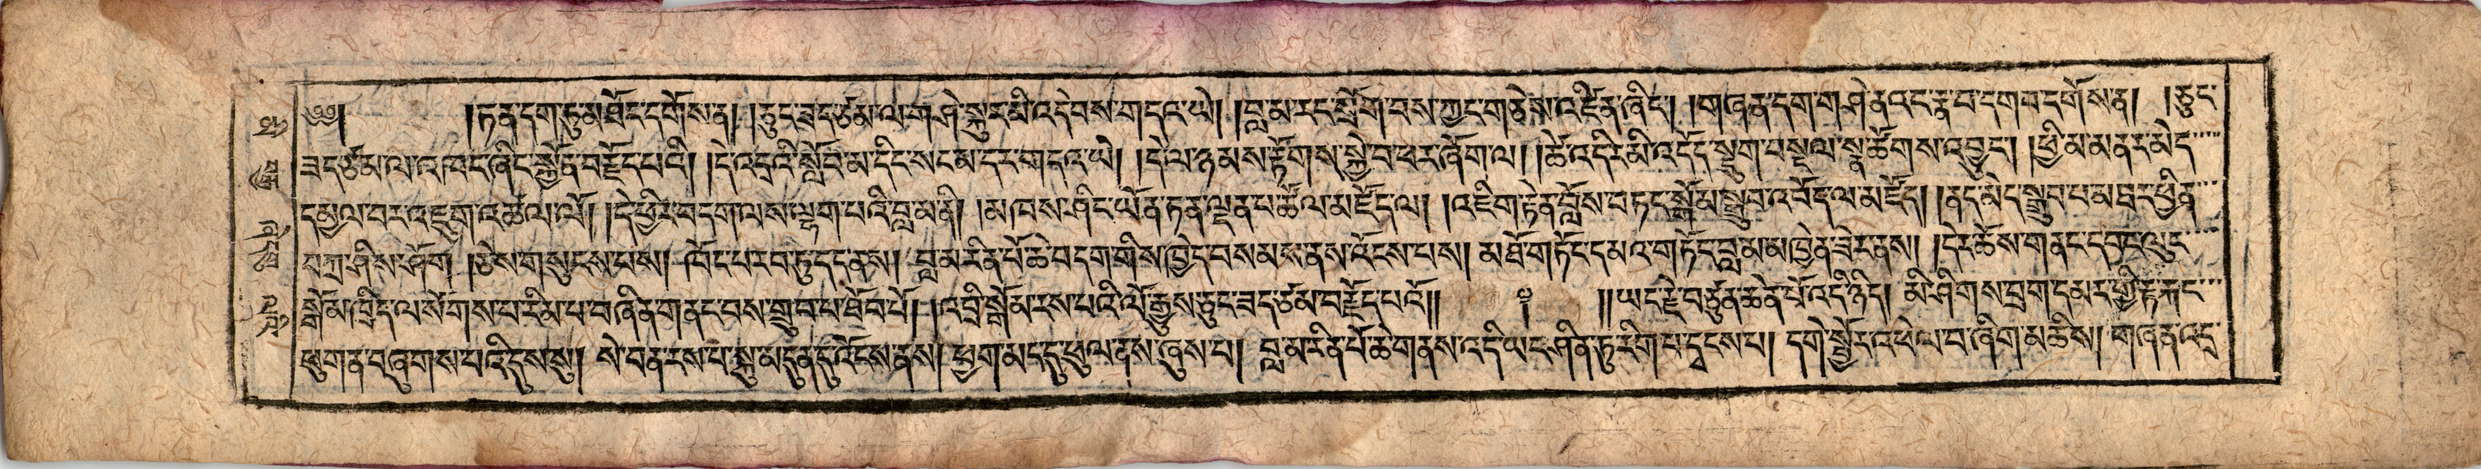ཏན་དག་ཏུ་མཐོང་དགོས་ན། །ཅུང་ཟད་ཙམ་ལ་གཤེ་སྐུར་མི་འདེབས་གདའ་ཡེ། །བླ་མ་རང་སྲོག་བས་ཀྱང་གཅེས་འཛིན་ཞིང་། །གཞན་དག་གཤེ་ནའང་རྣ་བ་དགབ་དགོས་ན། །ཅུང་
ཟད་ཙམ་ལ་འཁང་ཞིང་སྐྱོན་བརྗོད་པའི། །དེ་འདྲའི་སློབ་མ་དིང་སང་མ་དར་གདའ་ལེ། །དེ་ལ་ཉམས་རྟོགས་སྐྱེ་བ་ཕར་ཞོག་ལ། །ཚེ་འདིར་མི་འདོད་སྡུག་བསྔལ་སྣ་ཚོགས་འབྱུང་། །ཕྱི་མ་མནར་མེད་
དམྱལ་བར་འཇུག་འཚལ་ལོ། །དེ་ཕྱིར་བདག་ལས་ལྷག་པའི་བླ་མ་ནི། །མཁས་ཤིང་ཡོན་ཏན་ལྡན་པ་ཚོལ་མཛོད་ལ། །འཇིག་རྟེན་བློས་བཏང་སྒོམ་སྒྲུབ་འབོད་ལ་མཛོད། །ནད་མེད་སྒྲུབ་པ་མཐར་ཕྱིན་
བཀྲ་ཤིས་ཤོག །ཅེས་གསུངས་པས། ཁོང་པ་རབ་ཏུ་དད་ནས། བླ་མ་རིན་པོ་ཆེ་བདག་གིས་ཁྱེད་བསམས་ནས་འོངས་པས། མཐོ་གཏོང་དམའ་གཏོད་བླ་མ་མཁྱེན་ཟེར་ནས། །དེར་ཆོས་གནང་དབང་ལུང་
སྒོམ་ཁྲིད་ལ་སོགས་པ་རིམ་པ་བཞིན་གནང་བས་གྲུབ་པ་ཐོབ་པོ། །འབྲི་སྒོམ་རས་པའི་ལོ་རྒྱུས་ཅུང་ཟད་ཙམ་བརྗོད་པའོ།། ༆ །།ཡང་རྗེ་བཙུན་ཆེན་པོ་འདི་ཉིད། མི་ཤིགས་བྲག་དམར་གྱི་རྟ་རྐང་
ཕུག་ན་བཞུགས་པའི་དུས་སུ། སེ་བན་རས་པ་སྐུ་མདུན་དུ་འོངས་ནས། ཕྱག་མང་དུ་ཕུལ་ནས་ཞུས་པ། བླ་མ་རིན་པོ་ཆེ་གནས་འདི་ཡང་ཤིན་ཏུ་རིག་པ་དྭངས་པ། དགེ་སྦྱོར་འཕེལ་བ་ཞིག་མཆིས། གཞན་འདྲ་